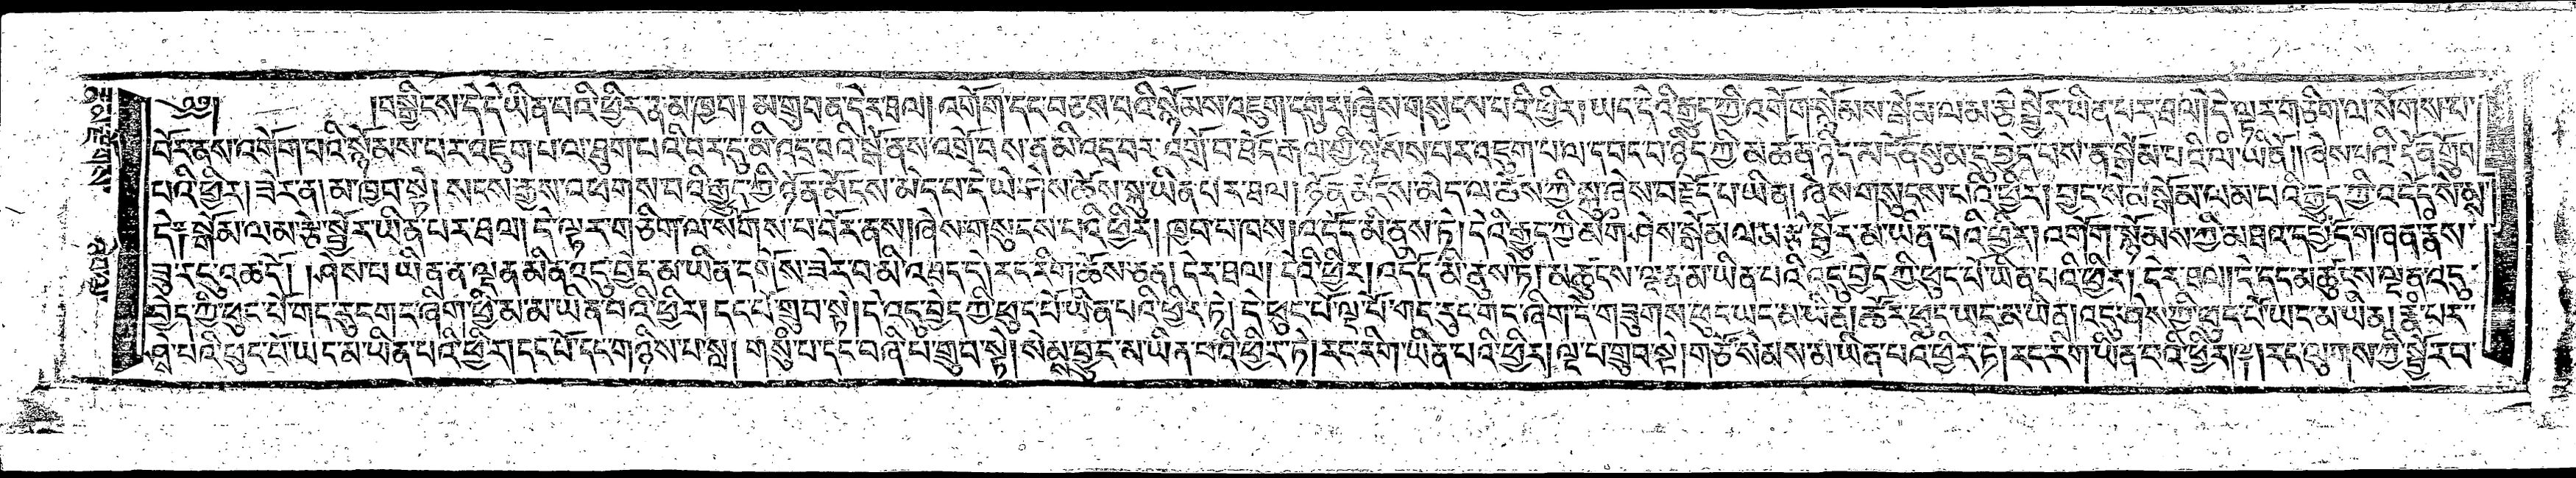༄༅། །བསྒྱིངས་དེ་དེ་ཡིན་པའི་ཕྱིར་ན་མ་ཁྱབ། མ་གྲུབ་ན་དེར་ཐལ། འགོག་དང་བཅས་པའི་སྙོམས་འཇུག་དགུར། ཞེས་གསུངས་པའི་ཕྱིར། ཡང་དེའི་རྒྱུད་ཀྱི་འགོག་སྙོམས་སྒོམ་ལམ་རྩེ་སྦྱོར་ཡིན་པར་ཐལ། དེ་ལྟར་གཅིག་ལ་སོགས་པ་
པོར་ནས་འགོག་པའི་སྙོམས་པར་འཇུག་པ་ལ་ཐུག་པའི་བར་དུ་མི་འདྲ་བའི་སྒོ་ནས་འགྲོ་བས་ན་མི་འདྲ་བར་འགྲོ་བ་ཐོད་རྒལ་གྱི་སྙོམས་པར་འཇུག་པ་ལ་དབང་བ་ཉིད་ཀྱི་མཚན་ཉིད་མངོན་སུམ་དུ་བྱེད་པས་ན་སྒོམ་པའི་ལམ་ཡིན་ནོ། །ཞེས་པའི་དོན་གྲུབ་
པའི་ཕྱིར། ཟེར་ན། མ་ཁྱབ་སྟེ། སངས་རྒྱས་འཕགས་པའི་རྒྱུད་ཀྱི་ཉོན་མོངས་མེད་པ་དེ་ཡེ་ཤེས་ཆོས་སྐུ་ཡིན་པར་ཐལ། ཉོན་མོངས་མེད་ལ་ཆོས་ཀྱི་སྐུ་ཞེས་བརྗོད་པ་ཡིན། ཞེས་གསུངས་པའི་ཕྱིར། བྱང་སེམས་སྒོམ་ལམ་པའི་རྒྱུད་ཀྱི་འདོད་སེམས་
དེ༑ སྒོམ་ལམ་རྩེ་སྦྱོར་ཡིན་པར་ཐལ། དེ་ལྟར་གཅིག་ལ་སོགས་པ་བོར་ནས། ཞེས་གསུངས་པའི་ཕྱིར། ཁྱབ་པ་ཁས། འདོད་མི་ནུས་ཏེ། དེའི་རྒྱུད་ཀྱི་མིག་ཤེས་སྒོམ་ལམ་རྩེ་སྦྱོར་མ་ཡིན་པའི་ཕྱིར། འགོག་སྙོམས་ཀྱི་མཐའ་དཔྱོད་གཞན་རྣམས་
ཟུར་དུ་འཆད་དོ། །ཤེས་པ་ཡིན་ན་ལྡན་མིན་འདུ་བྱེད་མ་ཡིན་དགོས་ཟེར་བ་མི་འཐད་དེ། རང་རིག་ཆོས་ཅན། དེར་ཐལ། དེའི་ཕྱིར། འདོད་མི་ནུས་ཏེ། མཚུངས་ལྡན་མ་ཡིན་པའི་འདུ་བྱེད་ཀྱི་ཕུང་པོ་ཡིན་པའི་ཕྱིར། དེར་ཐལ། དེ་དང་མཚུངས་ལྡན་འདུ་
བྱེད་ཀྱི་ཕུང་པོ་གང་རུང་གང་ཞིག་ཕྱི་མ་མ་ཡིན་པའི་ཕྱིར། དང་པོ་གྲུབ་སྟེ། དེ་འདུ་བྱེད་ཀྱི་ཕུང་པོ་ཡིན་པའི་ཕྱིར་ཏེ། དེ་ཕུང་པོ་ལྔ་པོ་གང་རུང་གང་ཞིག་དེ་གཟུགས་ཕུང་ཡང་མ་ཡིན། ཚོར་ཕུང་ཡང་མ་ཡིན། འདུ་ཤེས་ཀྱི་ཕུང་པོ་ཡང་མ་ཡིན། རྣམ་པར་
ཤེས་པའི་ཕུང་པོ་ཡང་མ་ཡིན་པའི་ཕྱིར། དང་པོ་དང་གཉིས་པ་སླ། གསུམ་པ་དང་བཞི་པ་གྲུབ་སྟེ། སེམས་བྱུང་མ་ཡིན་པའི་ཕྱིར་ཏེ། རང་རིག་ཡིན་པའི་ཕྱིར། ལྔ་པ་གྲུབ་སྟེ། གཙོ་སེམས་མ་ཡིན་པའི་ཕྱིར་ཏེ། རང་རིག་ཡིན་པའི་ཕྱིར། ༈ །རང་ལུགས་ཀྱི་སྦྱོར་བ་